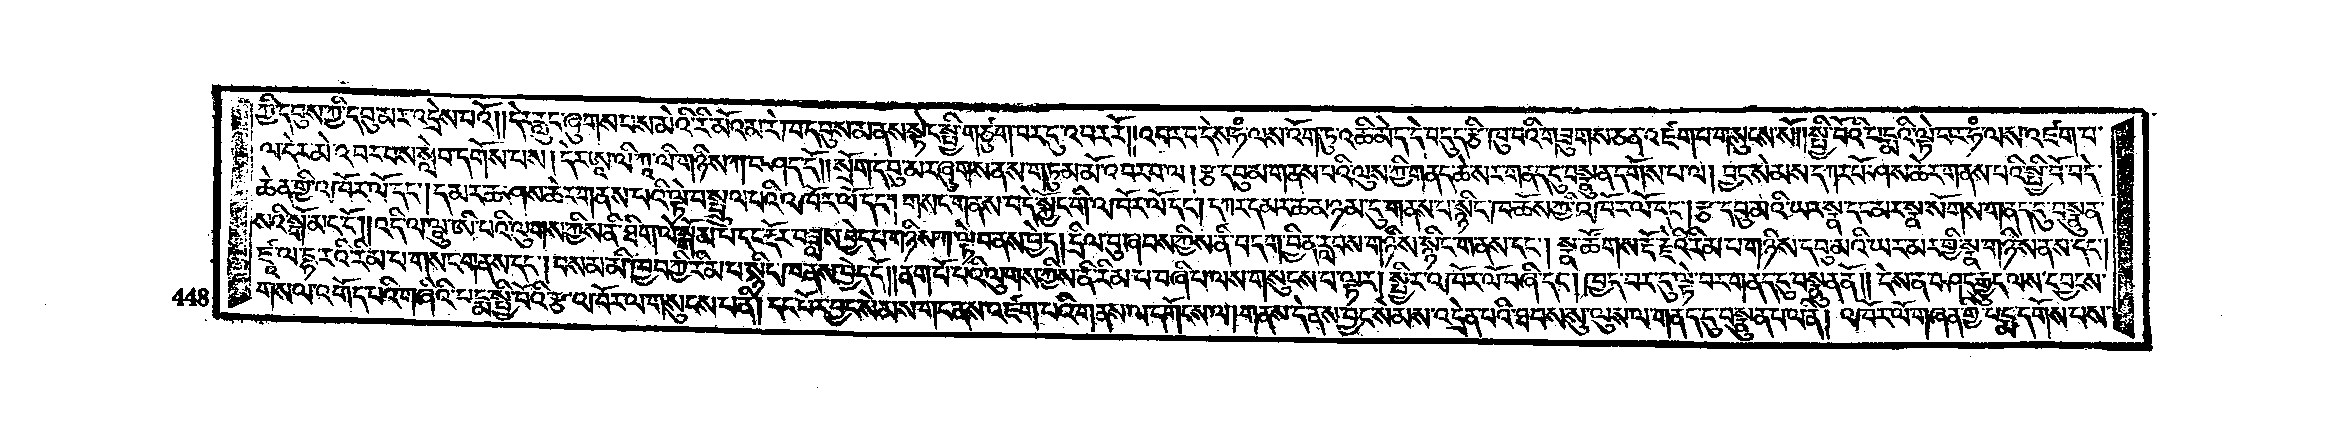ཀྱི་དབུས་ཀྱི་དབུ་མར་འདྲེས་པའོ། །དེར་རླུང་ཞུགས་པས་མེའི་རི་མོའམ་རེ་ཁ་དབུས་མ་ནས་སྟེང་སྤྱི་གཙུག་བར་དུ་འབར་རོ། །འབར་བ་དེས་ཧཾ་ལས་འོག་ཏུ་འཆི་མེད་དེ་བདུད་རྩི་ཁུ་བའི་གཟུགས་ཅན་འཛག་པ་གསུངས་སོ། །སྤྱི་བོའི་པདམའི་ལྟེ་བར་ཧཾ་ལས་འཛག་པ་
ལ་དེར་མེ་འབར་བས་སླེབ་དགོས་པས། དེར་ཨཱ་ལི་ཀཱ་ལི་གཉིས་ཀ་བཤད་དོ། །སྲོག་དབུ་མར་ཞུགས་ནས་གཏུམ་མོ་འབར་བ་ལ། རྩ་དབུ་མ་གནས་པའི་ལུས་ཀྱི་གནད་ཆེ་སར་གནད་དུ་བསྣུན་དགོས་པ་ལ། བྱང་སེམས་དཀར་པོ་ཤས་ཆེར་གནས་པའི་སྤྱི་བོ་བདེ་
ཆེན་གྱི་འཁོར་ལོ་དང་། དམར་ཆ་ཤས་ཆེར་གནས་པའི་ལྟེ་བ་སྤྲུལ་པའི་འཁོར་ལོ་དང་། གསང་གནས་བདེ་སྐྱོང་གི་འཁོར་ལོ་དང་། དཀར་དམར་ཆ་མཉམ་དུ་གནས་པ་སྙིང་ཁ་ཆོས་ཀྱི་འཁོར་ལོ་དང་། རྩ་དབུ་མའི་ཡར་སྣ་དང་མར་སྣ་སོགས་གནད་དུ་བསྣུན་
སའི་སྒོ་མང་ངོ། །འདི་ལ་ལཱུ་ཨི་པའི་ལུགས་ཀྱིས་ནི་ཐིག་ལེ་སྒོམ་པ་དང་རྡོར་བཟླས་བྱེད་པ་གཉིས་ཀ་ལྟེ་བ་ནས་བྱེད། དྲིལ་བུ་ཞབས་ཀྱིས་ནི་བདག་བྱིན་རླབས་གཉིས་སྙིང་གནས་དང་། སྣ་ཚོགས་རྡོ་རྗེའི་རིམ་པ་གཉིས་དབུ་མའི་ཡར་མར་གྱི་སྣ་གཉིས་ནས་དང་།
ཛཱ་ལ་དྷ་རའི་རིམ་པ་གསང་གནས་དང་། བསམ་མི་ཁྱབ་ཀྱི་རིམ་པ་སྙིང་ཁ་ནས་བྱེད་དོ། །ནག་པོ་པའི་ལུགས་ཀྱིས་ནི་རིམ་པ་བཞི་པ་ལས་གསུངས་པ་ལྟར། སྤྱིར་འཁོར་ལོ་བཞི་དང་། ཁྱད་པར་དུ་ལྟེ་བར་གནད་དུ་བསྣུན་ནོ། །དེས་ན་བཤད་རྒྱུད་ལས་དབྱངས་
གསལ་འགོད་པའི་གཞིའི་པདམ་སྤྱི་བོའི་རྩ་འཁོར་ལ་གསུངས་པ་ནི། དང་པོར་བྱང་སེམས་གང་ནས་འཛག་པའི་གནས་ལ་དགོངས་ལ། གནས་དེ་ནས་བྱང་སེམས་འདྲེན་པའི་ཐབས་སུ་ལུས་ལ་གནད་དུ་བསྣུན་པ་ལ་ནི། འཁོར་ལོ་གཞན་གྱི་པདམ་དགོས་པས་